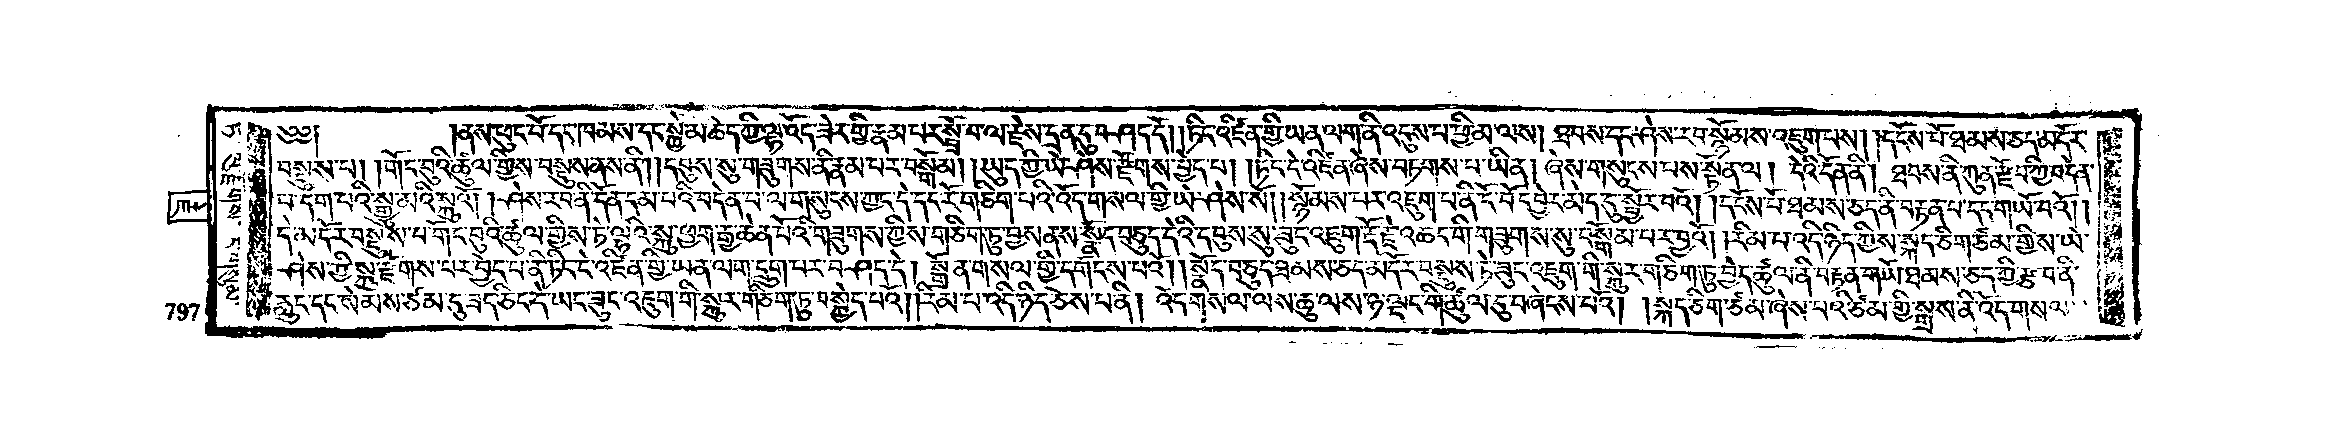༄༅། །ནས་ཕུང་པོ་དང་ཁམས་དང་སྐྱེ་མཆེད་ཀྱི་ལྷ་འོད་ཟེར་གྱི་རྣམ་པར་སྤྲོ་བ་ལ་རྗེས་དྲན་དུ་བཤད་དོ། །ཏིང་འཛིན་གྱི་ཡན་ལག་ནི་འདུས་པ་ཕྱི་མ་ལས། ཐབས་དང་ཤེས་རབ་སྙོམས་འཇུག་པས། །དངོས་པོ་ཐམས་ཅད་མདོར་
བསྡུས་པ། །གོང་བུའི་ཚུལ་གྱིས་བསྡུས་ནས་ནི། །དབུས་སུ་གཟུགས་ནི་རྣམ་པར་བསྒོམ། །ཡུད་ཀྱི་ཡེ་ཤེས་རྫོགས་བྱེད་པ། །ཏིང་ངེ་འཛིན་ཞེས་བཏགས་པ་ཡིན། ཞེས་གསུངས་པས་སྟོན་ལ། དེའི་དོན་ནི། ཐབས་ནི་ཀུན་རྫོབ་ཀྱི་བདེན་
པ་དག་པའི་སྒྱུ་མའི་སྐུའོ། །ཤེས་རབ་ནི་དོན་དམ་པའི་བདེན་པ་ལ་གསུངས་ཀྱང་དེ་དང་རོ་གཅིག་པའི་འོད་གསལ་གྱི་ཡེ་ཤེས་སོ། །སྙོམས་པར་འཇུག་པ་ནི་ངོ་བོ་དབྱེར་མེད་དུ་སྦྱོར་བའོ། །དངོས་པོ་ཐམས་ཅད་ནི་བརྟན་པ་དང་གཡོ་བའོ། །
དེ་མདོར་བསྡུས་པ་གོང་བུའི་ཚུལ་གྱིས་ཏེ་ལྷའི་སྐུ་ཕྱག་རྒྱ་ཆེན་པོའི་གཟུགས་ཀྱིས་གཅིག་ཏུ་བྱས་ནས་སྣོད་བཅུད་དེའི་དབུས་སུ་ཟུང་འཇུག་རྡོ་རྗེ་འཆང་གི་གཟུགས་སུ་བསྒོམ་པར་བྱའོ། །རིམ་པ་འདི་ཉིད་ཀྱིས་སྐད་ཅིག་ཙམ་གྱིས་ཡེ་
ཤེས་ཀྱི་སྐུ་རྫོགས་པར་བྱེད་པ་ནི་ཏིང་ངེ་འཛིན་གྱི་ཡན་ལག་དྲུག་པར་བཤད་དེ། སྒྲོན་གསལ་གྱི་དགོངས་པའོ། །སྣོད་བཅུད་ཐམས་ཅད་མདོར་བསྡུས་ཏེ་ཟུང་འཇུག་གི་སྐུར་གཅིག་ཏུ་བྱེད་ཚུལ་ནི་བརྟན་གཡོ་ཐམས་ཅད་ཀྱི་རྩ་བ་ནི་
རླུང་དང་སེམས་ཙམ་དུ་ཟད་ཅིང་དེ་ཡང་ཟུང་འཇུག་གི་སྐུར་གཅིག་ཏུ་བསྐྱེད་པའོ། །རིམ་པ་འདི་ཉིད་ཅེས་པ་ནི། འོད་གསལ་ལས་ཆུ་ལས་ཉ་ལྡང་གི་ཚུལ་དུ་བཞེངས་པའོ། །སྐད་ཅིག་ཙམ་ཞེས་པའི་ཙམ་གྱི་སྒྲས་ནི་འོད་གསལ་